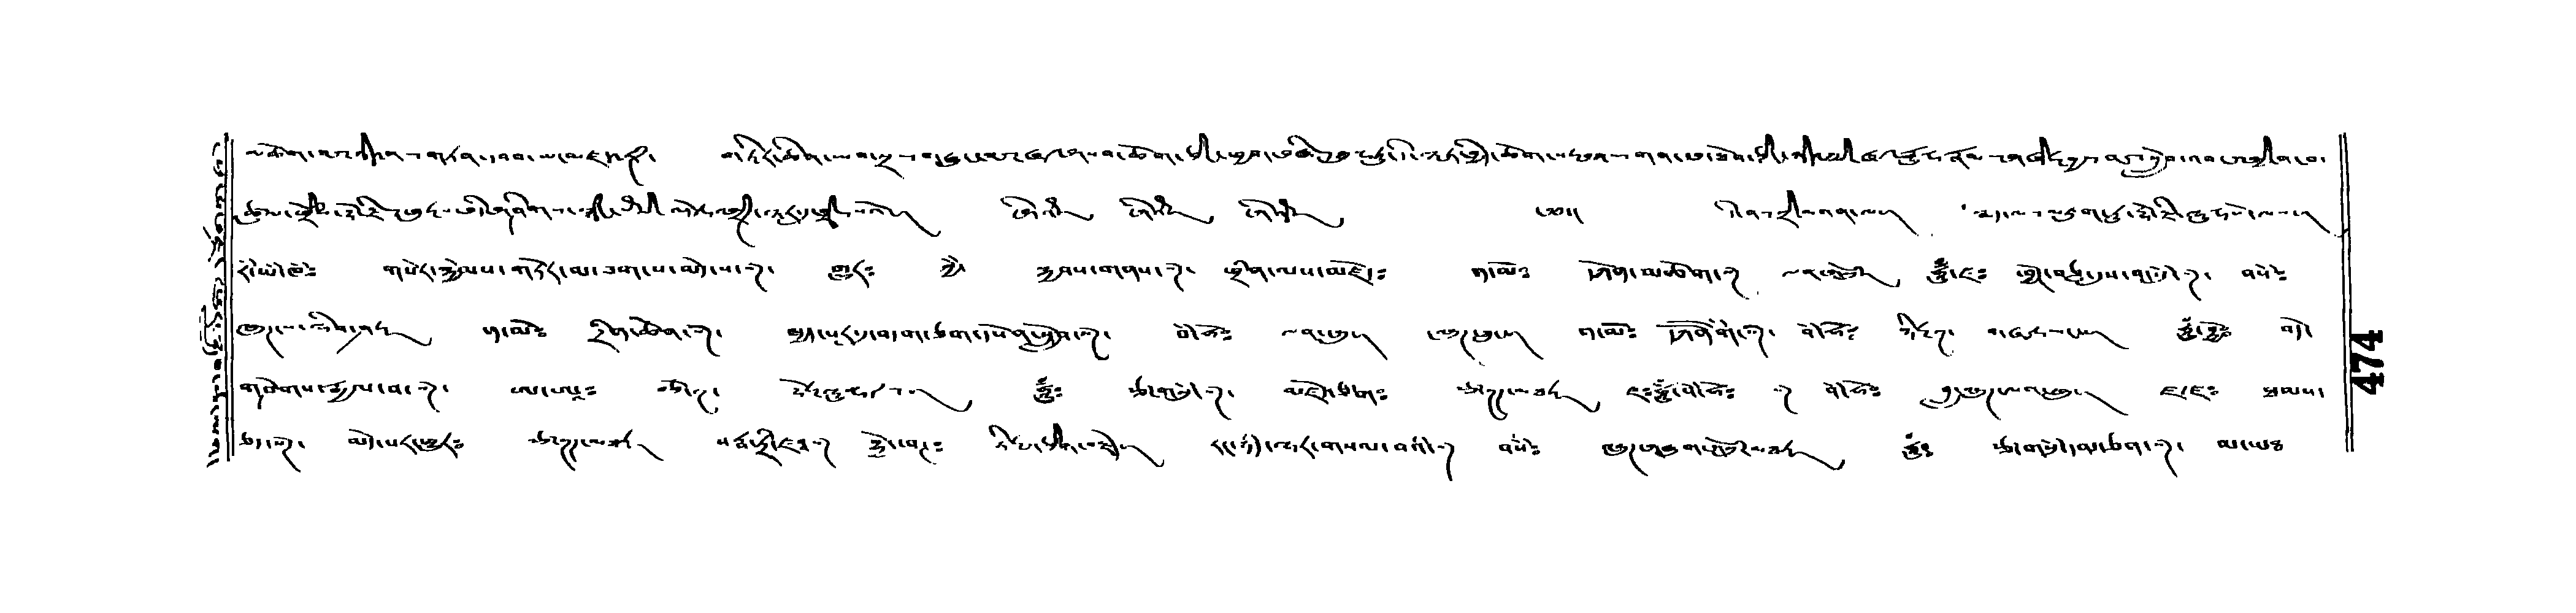མཆོག་ནས་ཉིད་ནས་གཏན་དབབ་མ་མཛད་རིགས། གཏེར་ཆེན་ཡབ་སྲས་གཞུང་ནས་ཞལ་གསབ་ཆོག་ཅིང་ཕྱག་བཞེས་ཀུན་ཏུ་དེ་ལྟར་བྱེད་ཆོག་པར་བཀས་གནང་བ་ཐོབ་ཅིང་ཉིད་ཀྱི་ཞལ་རྒྱུན་རྣམས་གཞིར་བྱས་ནས་སློབ་འབངས་གྱི་ན་བ་
ཚུལ་ཁྲིམས་རྡོ་རྗེས་ཕུར་བ་བདེ་གཤེགས་སྙིང་པོའི་འདོན་འགྲིགས་ལྟར་དུ་བྲིས་པའོ།། དགེའོ།། ༄༅། དེ་ནས་སྲི་མནན་ལ། སྨད་ལས་མཇུག་ཏུ་རྡོ་རྗེ་ལྷུན་པོ་ལས། 
རྃ་ཡྃ་ཁྃ༔ གསེར་སྐྱེམས་གཏོར་མ་ཟག་པ་མེད་པ་སོགས། གྱུར༔ ཀྱཻ༔ སྐྱབས་གནས་སོགས། ཕྲིན་ལས་མཛོད༔ ན་མོ༔ དཀོན་མཆོག་སོགས། ལན་གསུམ། ཧཱུྃ་ཛཿ ཕྱོགས་བཅུ་དུས་གསུམ་སོགས། བསམ༔ 
འགུགས་པ་སྡེབ་ཤར། ན་མོ༔ དྲིན་ཆེན་སོགས། ཁྱད་པར་དུ་བདག་ཅག་དཔོན་སློབ་སོགས། བཾ་ཧོཿ ལན་དགུ། འགུགས་ཐུང་། ན་མོ༔ དཀོན་མཆོག་གསུམ་སོགས། བཾ་ཧོཿ ཉེར་ལྔ། གཞན་ཡང་། ཧཱུྃ་བྷྱོ༔ བདེ་
གཤེགས་རྒྱལ་བ་སོགས། ཨ་ཨཱཿ བཅོ་ལྔ། རྡོར་ལྷུན་ལས། ཧཱུྃ༔ རྩ་གསུམ་སོགས། མཛོད་ཅིགཿ རྩ་སྔགས་མཐར། ཛཿཧཱུྃ་བཾ་ཧོཿ སོགས། བཾ་ཧོཿ བླའི་གུགས་ལན་དགུ། ཛ་ཛ༔ ཐམས་
ཅད་སོགས། མེད་པར་གྱུར༔ རྩ་སྔགས་མཐར། སརྦ་ཏྲི་ཛཿསོགས། བྷྱོ་ཕཊཿ ཉེར་གཅིག་བརྗོད། རང་ཉིད་ལྷར་གསལ་བའི་སོགས། བསམ༔ འགུགས་གཞུག་གསུམ་མཐར། ཧཱུྃ༔ རྩ་གསུམ་དམ་ཅན་སོགས། མ་ཡ༔